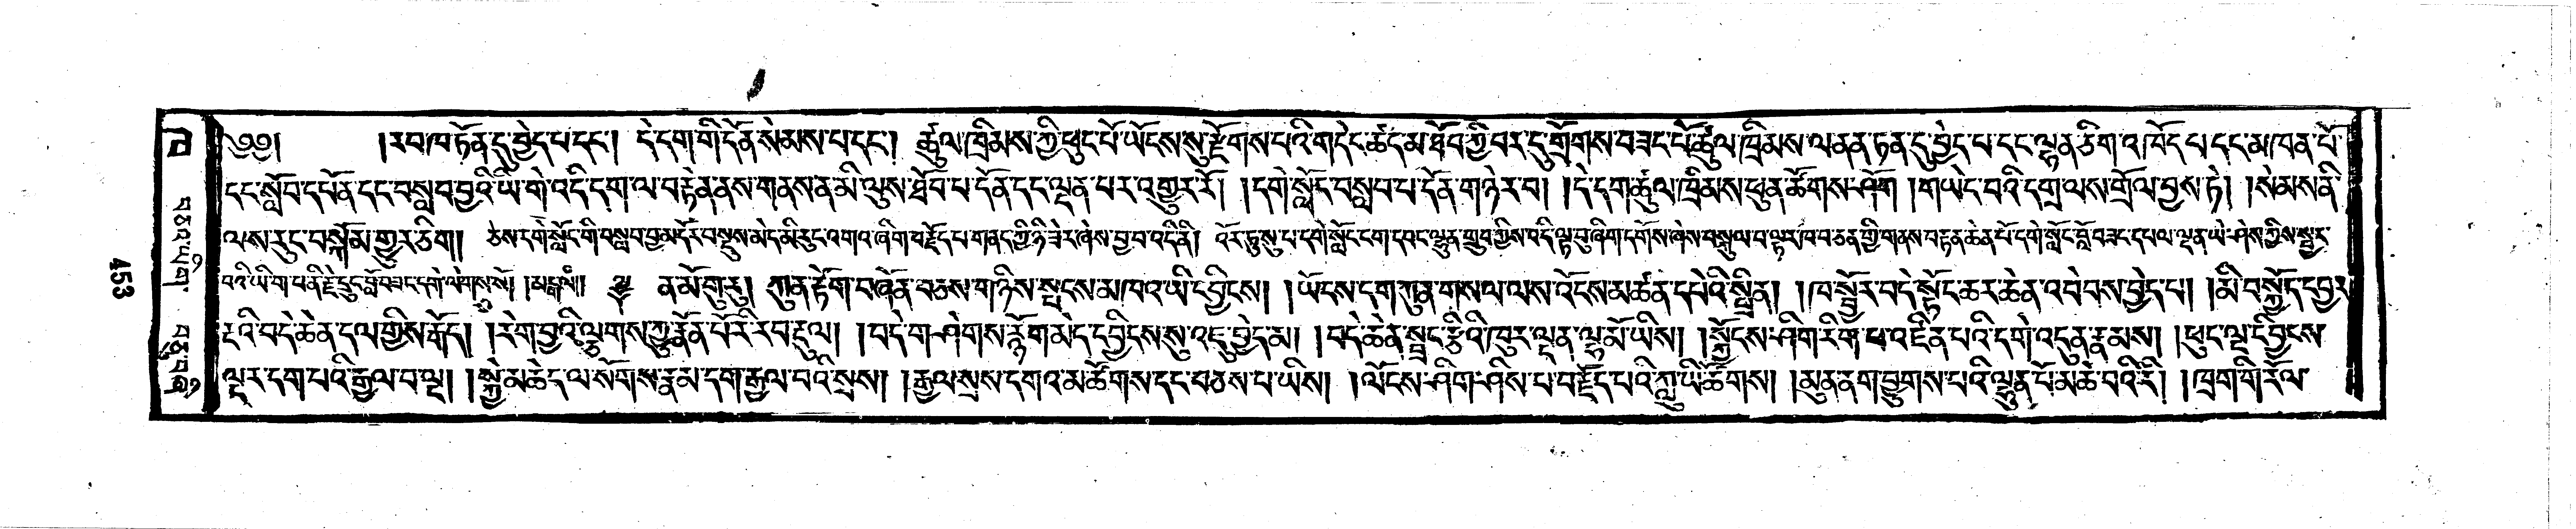༄༅། །རབ་ཁ་ཏོན་དུ་བྱེད་པ་དང་། དེ་དག་གི་དོན་སེམས་པ་དང་། ཚུལ་ཁྲིམས་ཀྱི་ཕུང་པོ་ཡོངས་སུ་རྫོགས་པའི་གདེང་ཚད་མ་ཐོབ་ཀྱི་བར་དུ་གྲོགས་བཟང་པོ་ཚུལ་ཁྲིམས་ལ་ནན་ཏན་དུ་བྱེད་པ་དང་ལྷན་ཅིག་འཁོད་པ་དང་མཁན་པོ་
དང་སློབ་དཔོན་དང་བསླབ་བྱའི་ཡི་གེ་འདི་དག་ལ་བརྟེན་ནས་གནས་ན་མི་ལུས་ཐོབ་པ་དོན་དང་ལྡན་པར་འགྱུར་རོ། །དགེ་སློང་བསླབ་པ་དོན་གཉེར་བ། །དེ་དག་ཚུལ་ཁྲིམས་ཕུན་ཚོགས་ཤོག །གཡེང་བའི་དགྲ་ལས་གྲོལ་བྱས་ཏེ། །སེམས་ནི་
ལས་རུང་བསྐོམ་གྱུར་ཅིག། ཅེས་དགེ་སློང་གི་བསླབ་བྱ་མདོར་བསྡུས་མེད་མི་རུང་འགའ་ཞིག་བརྗོད་པ་གནད་ཀྱི་ཉི་ཟེར་ཞེས་བྱ་བ་འདི་ནི། འོར་ཏུ་སུ་པ་དགེ་སློང་ངག་དབང་ལྷུན་གྲུབ་ཀྱིས་འདི་ལྟ་བུ་ཞིག་དགོས་ཞེས་བསྐུལ་བ་ལྟར་ཁ་བ་ཅན་གྱི་གནས་བརྟན་ཆེན་པོ་དགེ་སློང་བློ་བཟང་དཔལ་ལྡན་ཡེ་ཤེས་ཀྱིས་སྦྱར་
བའི་ཡི་ག་པ་ནི་རྗེ་དྲུང་བློ་བཟང་དགེ་ལེགས་སོ། །མངྒ་ལཾ།། ༈ ན་མོ་གུ་རུ། ཀུན་རྟོག་བཞོན་བཅས་གཉིས་སྤངས་མཁའ་ཡི་དབྱིངས། །ཡོངས་དག་ཀུན་གསལ་ལས་འོངས་མཚན་དཔེའི་སྤྲིན། །ཁ་སྦྱོར་བདེ་སྟོང་ཆར་ཆེན་འབེབས་བྱེད་པ། །མི་བསྐྱོད་དབྱར་
རྔའི་བདེ་ཆེན་དལ་གྱིས་རྒོད། །རེག་བྱའི་ལྕགས་ཀྱུ་རྣོན་པོ་རི་རབ་རྡུལ། །བདེ་གཤེགས་རྙོག་མེད་དབྱིངས་སུ་འཇུ་བྱེད་མ། །བདེ་ཆེན་སྦྲང་རྩིའི་ཁུར་ལྡན་ལྷ་མོ་ཡིས། །སྐྱོངས་ཤིག་རིག་པ་འཛིན་པའི་དགེ་འདུན་རྣམས། །ཕུང་ལྔ་དབྱིངས་
ལྔར་དག་པའི་རྒྱལ་བ་ལྔ། །སྐྱེ་མཆེད་ལ་སོགས་རྣམ་དག་རྒྱལ་བའི་སྲས། །རྒྱལ་སྲས་དགའ་མ་ཚོགས་དང་བཅས་པ་ཡིས། །ལོངས་ཤིག་ཤིས་པ་བརྗོད་པའི་ཀླུ་ཡི་ཚོགས། །མུན་ནག་བྱུགས་པའི་ལྷུན་པོ་མཆེ་བའི་རི། །ཁྲག་གི་རོལ་